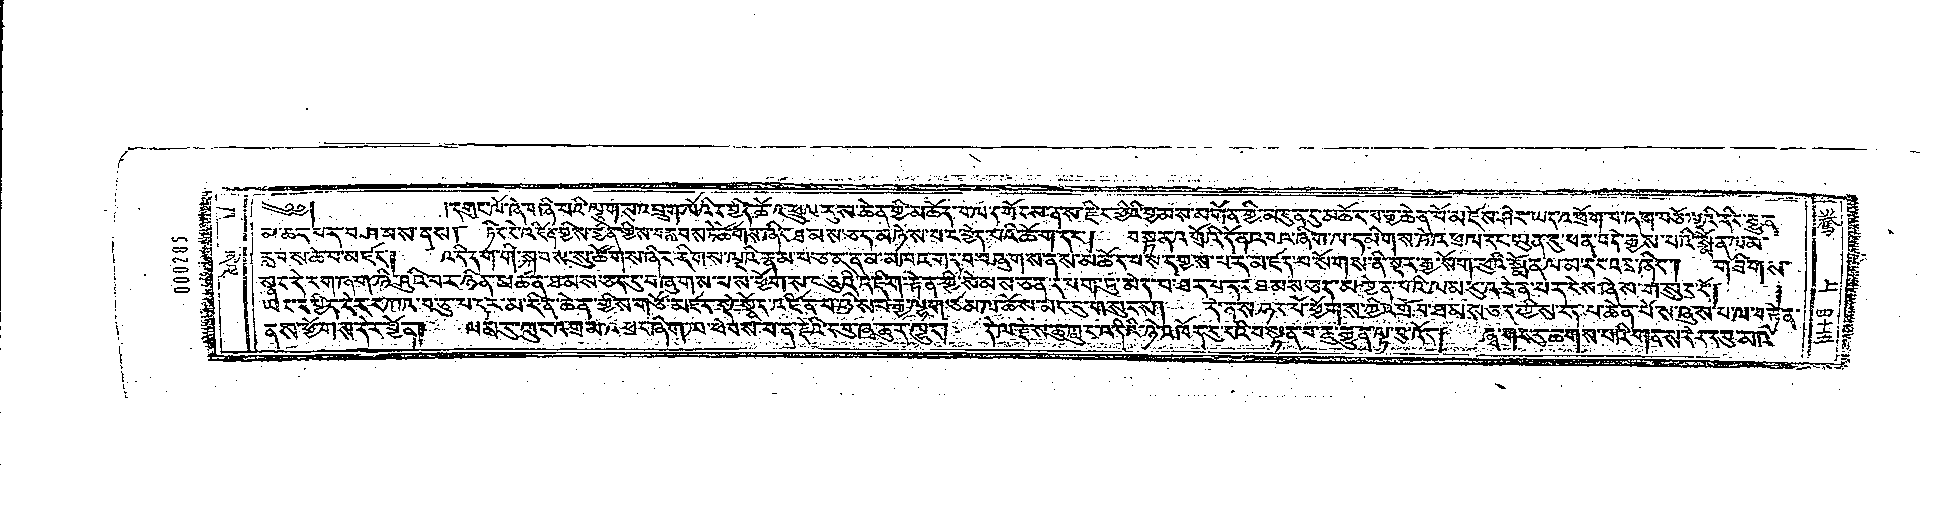༄༅། །དགུང་ལོ་ཞེ་བཞི་པའི་ལྕགས་འབྲུག་ལོའི་དབྱིར་ཆོ་འཕྲུལ་དུས་ཆེན་གྱི་མཆོད་པ་ལ་དགོངས་ནས་རྫིང་ཕྱིའི་བྱམས་མགོན་གྱི་མདུན་དུ་མཆོང་པོ་རྒྱ་ཆེན་པོ་མཛེས་ཤིང་ཡིད་འབྲོག་བ་ཞག་བཅོ་ལྔའི་རིང་རྒྱུན་
མ་ཆད་པར་བཤམས་ནས། ཏིང་ངེ་འཛིན་གྱིས་བྱིན་གྱིས་བརླབས་ཏེ་ཚོགས་ཞིང་ཐམས་ཅད་མཉེས་པར་བྱེད་པའི་ཆོ་ག་དང་། བསྟན་འགྲོའི་དོན་འབའ་ཞིག་ལ་དམིགས་ཏེ་འཕྲལ་དང་ཡུན་དུ་ཕན་བདེ་རྒྱས་པའི་སྨོན་ལམ་
རླབས་ཆེ་བ་མཛད། འདི་དག་གི་སྐབས་སུ་ཚོགས་ཞིང་རིགས་ལྔའི་རྣམ་པ་ཅན་ནམ་མཁའ་གདབ་བ་བཞུགས་ནས་མཆོད་བས་དགྱེས་པར་མཛད་པ་སོགས་ནི་སྔར་རྒྱ་སོགས་ཕུའི་སྨོན་ལམ་དང་འདྲ་ཞིང་། གཟིགས་
སྣང་དེ་དག་ཞག་ཉི་ཤུའི་བར་ཉིན་མཚན་ཐམས་ཅད་དུ་བཞུགས་པས་ཕྱོགས་བཅུའི་འཇིག་རྟེན་གྱི་སེམས་ཅན་དཔག་ཏུ་མེད་བ་ཐར་པ་དང་ཐམས་ཅད་མཁྱེན་པའི་ལམ་དུ་འདྲེན་པར་ངེས་ཞེས་གསུང་ངོ། །
ཡང་དཔྱིད་ངེར་དཀའ་བཅུ་པ་དར་མ་རིན་ཆེན་གྱིས་གཙོ་མཛད་སྡེ་སྣོད་འཛིན་པ་ཉིས་བརྒྱ་ལྷག་ཙམ་ལ་ཆོས་མང་དུ་གསུངས། དེ་ནས་ཉང་པོ་ཕྱོགས་ཀྱི་འགྲོ་བ་ཐམས་ཅད་གྱིས་དང་པ་ཆེན་པོས་ཞུས་པ་ལ་བརྟེན་
ནས་ཕྱོགས་དེར་བྱོན། ལམ་དུ་ཀླུང་འགྲམ་འཕྲད་ཞིག་ལ་ཕེབས་པ་ན་རྗེའི་དབུ་ཞྭ་ཆུར་ལྷུང་། དེ་ལ་རྗེས་ཆུ་ཀླུང་འདིའི་ཉེ་འཁོར་དུ་ངའི་བསྟན་པ་ཆུ་རྒྱུན་ལྟ་བུ་འོང་། ཞྭ་གང་དུ་ཆགས་པའི་གནས་དེར་དབུ་མའི་